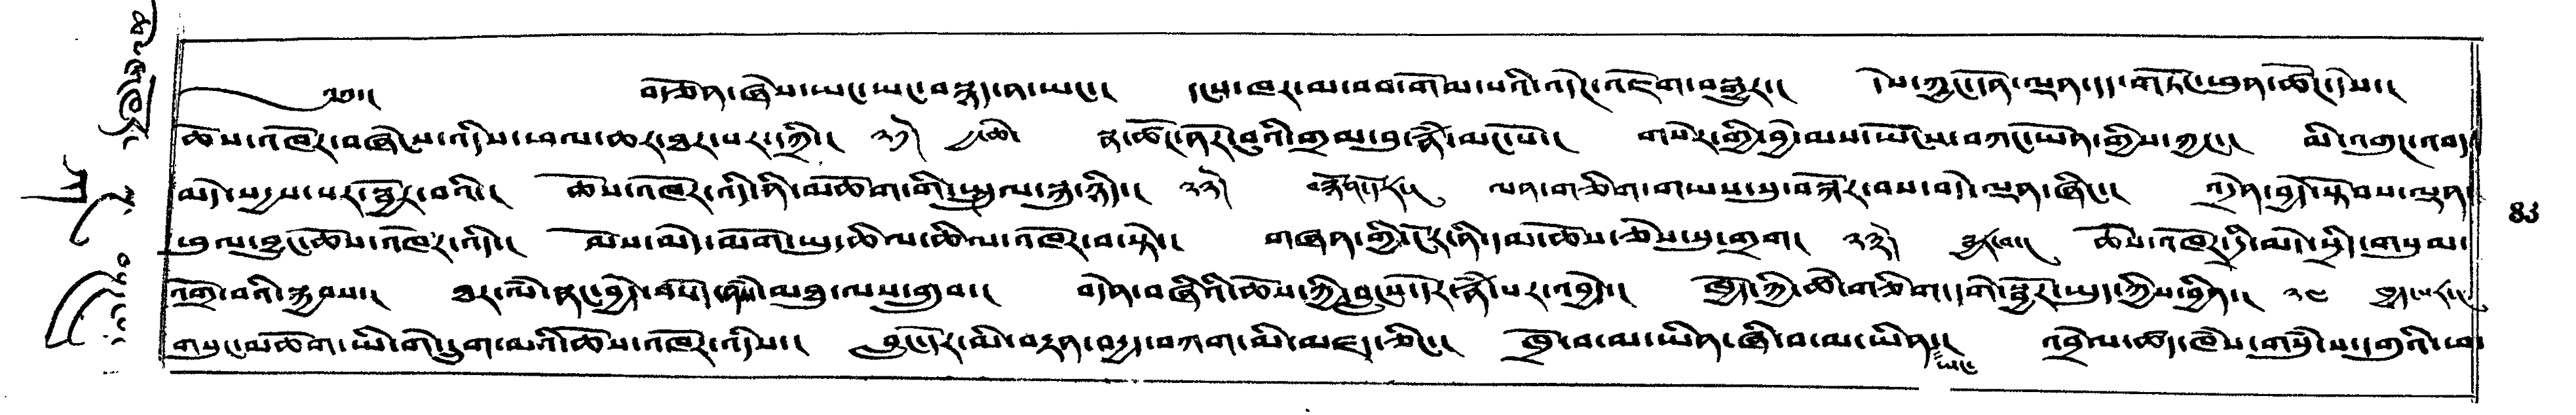བརྩོན་ཞེས་ཡང་ཡང་བསྙད་ན་ཡང་། །དང་ཁར་མ་བབ་གོམ་པའི་འདེགས་འཇོག་བསྒྱུར། །དེས་ཀྱང་དོན་ལྡན་དད་གཏོང་ཕུན་ཚོགས་དེས། །
ཆོས་འཁོར་བཞེངས་འདིས་ཕལ་ཆེར་ཐར་པར་དཀྲི། ། ༢༡༽ རྒྱ་ཆེ། སྣ་ཚོགས་ནོར་བུའི་སྒྲོམ་བུ་རྣམ་མང་པོ། །གསེར་གྱི་བྱེ་མས་ཡོངས་བཀང་ཡོན་གྱིས་ཀྱང་། །མི་འགུགས་འབད་
མེད་སངས་རྒྱས་སར་སྦྱོར་བའི། །ཆོས་འཁོར་འདི་ནི་མཆོག་གི་སྤྲུལ་སྐུ་ཉིད། ། ༢༢༽ བསྙོན་དོར། ལན་གཅིག་གཡས་སུ་བསྐོར་བས་བདེ་ལྡན་ཞིང་། །འདྲེན་བྱེད་སྟོབས་ལྡན་
ཕུལ་བྱུང་ཆོས་འཁོར་འདི། །མོས་མེད་མགོ་ཡུ་ཆིལ་ཆིལ་འཁོར་བ་སྟེ། །གཞན་གྱི་ངོར་ནི་དམ་ཆོས་ཞེས་སུ་གྲགས། ། ༢༣༽ སྦྱར་བ། ཆོས་འཁོར་དྲི་མེད་སྲིད་གསུམ་
འགྲོ་བའི་སྐྱབས། །ཐར་ལམ་སྣང་བྱེད་བསོད་ནམས་མཐུ་ལས་གྲུབ། །བདེན་བཞིའི་ཆོས་ཀྱི་བླངས་དོར་རྣམ་པར་འབྱེད། །ཁྱོད་ཀྱི་ཚེ་གཅིག་དགེ་སྦྱོར་ཡུད་ཀྱིས་བྱིན། ། ༢༤༽ ཁྱད་པར། 
གསུང་མཆོག་ཡི་གེ་དྲུག་མའི་ཆོས་ཁོར་འདིས། །ང་དོར་མི་བརྟན་བརྒྱད་བཀག་མི་མཛད་ཅིང་། །ཁྲོ་བ་མ་ཡིན་ཞི་བ་མ་ཡིན་ཡང་། །འབྲེལ་ཚད་ཁམས་གསུམ་ས་དགུའི་ཕ་